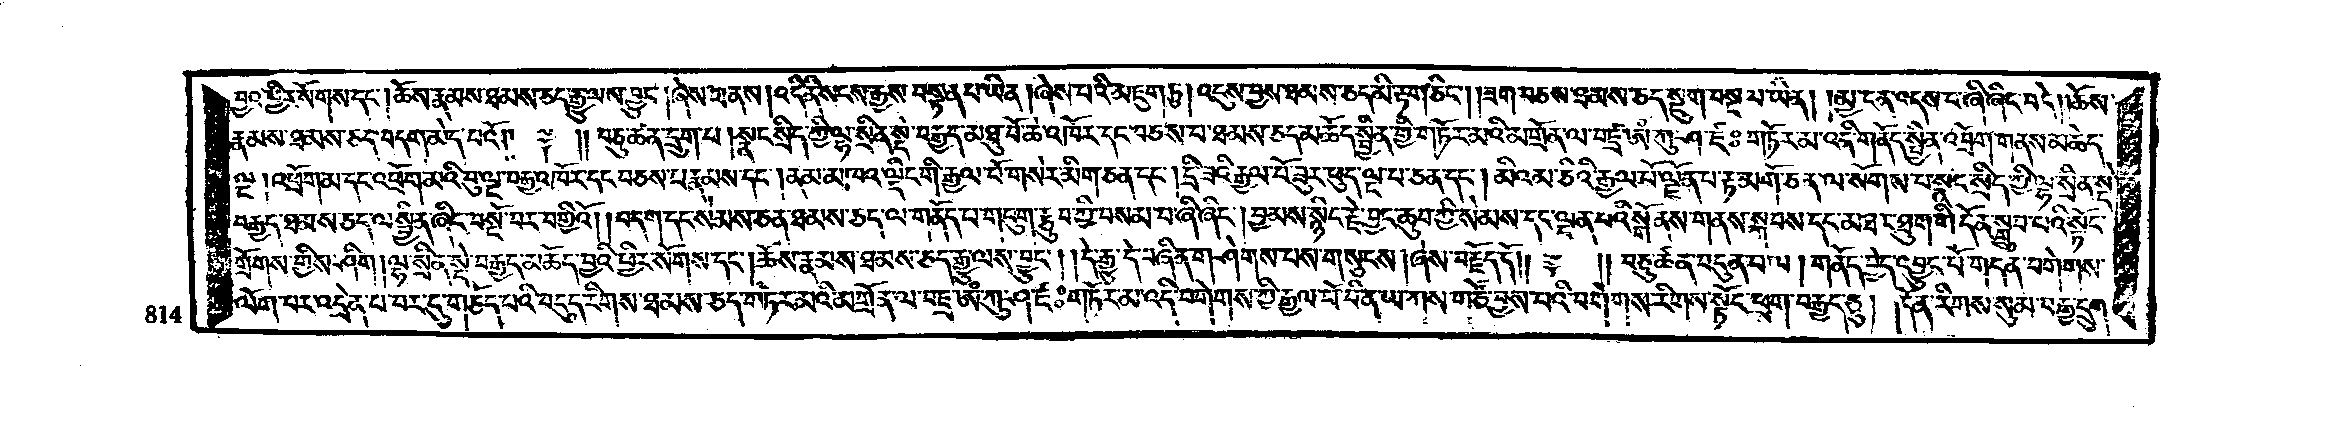བྱའི་ཕྱིར་སོགས་དང་། ཆོས་རྣམས་ཐམས་ཅད་རྒྱུ་ལས་བྱུང་། ཞེས་པ་ནས། འདི་ནི་སངས་རྒྱས་བསྟན་པ་ཡིན། ཞེས་པའི་མཇུག་ཏུ། འདུས་བྱས་ཐམས་ཅད་མི་རྟག་ཅིང་། །ཟག་བཅས་ཐམས་ཅད་སྡུག་བསྔལ་ཡིན། །མྱ་ངན་འདས་པ་ཞི་ཞིང་བདེ། །ཆོས་
རྣམས་ཐམས་ཅད་བདག་མེད་པའོ།། ༈ །།བཅུ་ཚན་དྲུག་པ། སྣང་སྲིད་ཀྱི་ལྷ་སྲེན་སྡེ་བརྒྱད་མཐུ་བོ་ཆེ་འཁོར་དང་བཅས་པ་ཐམས་ཅད་མཆོད་སྦྱིན་གྱི་གཏོར་མའི་མགྲོན་ལ་བཛྲ་ཨཾ་ཀུ་ཤ་ཛཿ གཏོར་མ་འདི་གནོད་སྦྱིན་འབྲོག་གནས་མཆེད་
ལྔ། འཕྲོག་མ་དང་འཕྲོག་མའི་བུ་ལྔ་བརྒྱ་འཁོར་དང་བཅས་པ་རྣམས་དང་། ནམ་མཁའ་ལྡིང་གི་རྒྱལ་པོ་གསེར་མིག་ཅན་དང་། དྲི་ཟའི་རྒྱལ་པོ་ཟུང་ཕུད་ལྔ་པ་ཅན་དང་། མིའམ་ཅིའི་རྒྱལ་པོ་ལྟོན་པ་རྟ་མགོ་ཅན་ལ་སོགས་པ་སྣང་སྲིད་ཀྱི་ལྷ་སྲིན་སྡེ་
བརྒྱད་ཐམས་ཅད་ལ་སྦྱིན་ཞིང་བསྔོ་བར་བགྱིའོ། །བདག་དང་སེམས་ཅན་ཐམས་ཅད་ལ་གནོད་པ་གདུག་རྩུབ་ཀྱི་བསམ་པ་ཞི་ཞིང་། བྱམས་སྙིང་རྗེ་བྱང་ཆུབ་ཀྱི་སེམས་དང་ལྡན་པའི་སྒོ་ནས་གནས་སྐབས་དང་མཐར་ཐུག་གི་དོན་སྒྲུབ་པའི་སྟོང་
གྲོགས་གྱིས་ཤིག །ལྷ་སྲིན་སྡེ་བརྒྱད་མཆོད་བྱའི་ཕྱིར་སོགས་དང་། ཆོས་རྣམས་ཐམས་ཅད་རྒྱུ་ལས་བྱུང་། །དེ་རྒྱུ་དེ་བཞིན་གཤེགས་པས་གསུངས། ཞེས་བརྗོད་དོ།། ༈ །།བཅུ་ཚན་བདུན་པ་ལ། གནོད་བྱེད་འབྱུང་པོ་གདོན་བགེགས་
ལོག་པར་འདྲེན་པ་བར་དུ་གཅོད་པའི་བདུད་རིགས་ཐམས་ཅད་གཏོར་མའི་མགྲོན་ལ་བཛྲ་ཨཾཿ གཏོར་མ་འདི་བགེགས་ཀྱི་རྒྱལ་པོ་བི་ན་ཡ་ཀས་གཙེ་བྱས་པའི་བགེགས་རིགས་སྟོང་ཕྲག་བརྒྱད་ཅུ། གདོན་རིགས་སུམ་བརྒྱ་དྲུག་